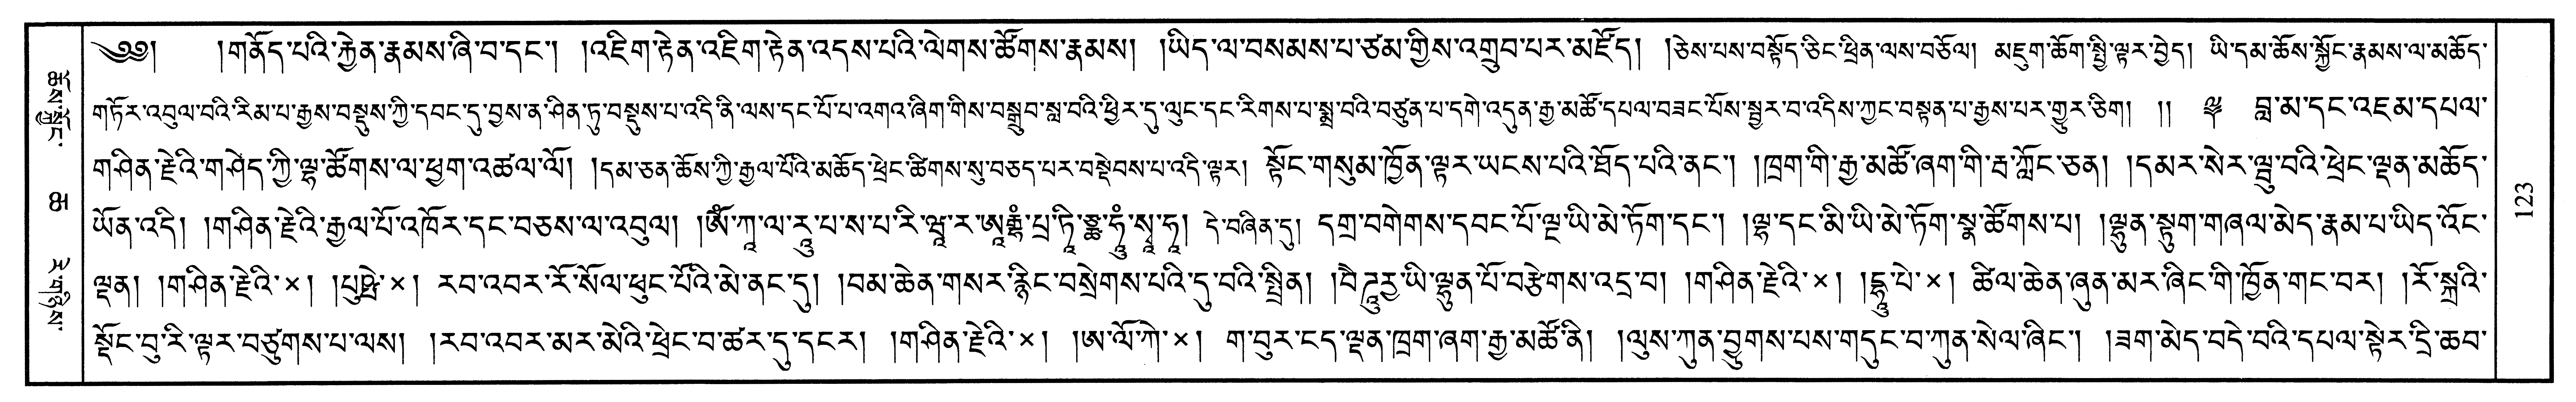༄༅། །གནོད་པའི་རྐྱེན་རྣམས་ཞི་བ་དང་། །འཇིག་རྟེན་འཇིག་རྟེན་འདས་པའི་ལེགས་ཚོགས་རྣམས། །ཡིད་ལ་བསམས་པ་ཙམ་གྱིས་འགྲུབ་པར་མཛོད། །ཅེས་པས་བསྟོད་ཅིང་ཕྲིན་ལས་བཅོལ། མཇུག་ཆོག་སྤྱི་ལྟར་བྱེད། ཡི་དམ་ཆོས་སྐྱོང་རྣམས་ལ་མཆོད་
གཏོར་འབུལ་བའི་རིམ་པ་རྒྱས་བསྡུས་ཀྱི་དབང་དུ་བྱས་ན་ཤིན་ཏུ་བསྡུས་པ་འདི་ནི་ལས་དང་པོ་པ་འགའ་ཞིག་གིས་བསྒྲུབ་སླ་བའི་ཕྱིར་དུ་ལུང་དང་རིགས་པ་སྨྲ་བའི་བཙུན་པ་དགེ་འདུན་རྒྱ་མཚོ་དཔལ་བཟང་པོས་སྦྱར་བ་འདིས་ཀྱང་བསྟན་པ་རྒྱས་པར་གྱུར་ཅིག། །། ༈ བླ་མ་དང་འཇམ་དཔལ་
གཤིན་རྗེའི་གཤེད་ཀྱི་ལྷ་ཚོགས་ལ་ཕྱག་འཚལ་ལོ། །དམ་ཅན་ཆོས་ཀྱི་རྒྱལ་པོའི་མཆོད་ཕྲེང་ཚིགས་སུ་བཅད་པར་བསྡེབས་པ་འདི་ལྟར། སྟོང་གསུམ་ཁྱོན་ལྟར་ཡངས་པའི་ཐོད་པའི་ནང་། །ཁྲག་གི་རྒྱ་མཚོ་ཞག་གི་རྦ་ཀློང་ཅན། །དམར་སེར་ལྦུ་བའི་ཕྲེང་ལྡན་མཆོད་
ཡོན་འདི། །གཤིན་རྗེའི་རྒྱལ་པོ་འཁོར་དང་བཅས་ལ་འབུལ། །ཨོཾ་ཀཱ་ལ་རཱུ་པ་ས་པ་རི་ཝཱ་ར་ཨཱརྒྷཾ་པྲ་ཏཱི་ཙྪ་ཧཱུཾ་སྭཱ་ཧཱ། དེ་བཞིན་དུ། དགྲ་བགེགས་དབང་པོ་ལྔ་ཡི་མེ་ཏོག་དང་། །ལྷ་དང་མི་ཡི་མེ་ཏོག་སྣ་ཚོགས་པ། །ལྷུན་སྟུག་གཞལ་མེད་རྣམ་པ་ཡིད་འོང་
ལྡན། །གཤིན་རྗེའི་྾། །པུཥྤེ་྾། རབ་འབར་རོ་སོལ་ཕུང་པོའི་མེ་ནང་དུ། །བམ་ཆེན་གསར་རྙིང་བསྲེགས་པའི་དུ་བའི་སྤྲིན། །བཻཌཱུརྱ་ཡི་ལྷུན་པོ་བརྩེགས་འདྲ་བ། །གཤིན་རྗེའི་྾། དྷཱུ་པེ་྾། ཚིལ་ཆེན་ཞུན་མར་ཞིང་གི་ཁྱོན་གང་བར། །རོ་སྐྲའི་
སྡོང་བུ་རི་ལྟར་བཙུགས་པ་ལས། །རབ་འབར་མར་མེའི་ཕྲེང་བ་ཚར་དུ་དངར། །གཤིན་རྗེའི་྾། །ཨ་ལོ་ཀེ་྾། ག་བུར་ངད་ལྡན་ཁྲག་ཞག་རྒྱ་མཚོ་ནི། །ལུས་ཀུན་བྱུགས་པས་གདུང་བ་ཀུན་སེལ་ཞིང་། །ཟག་མེད་བདེ་བའི་དཔལ་སྟེར་དྲི་ཆབ་